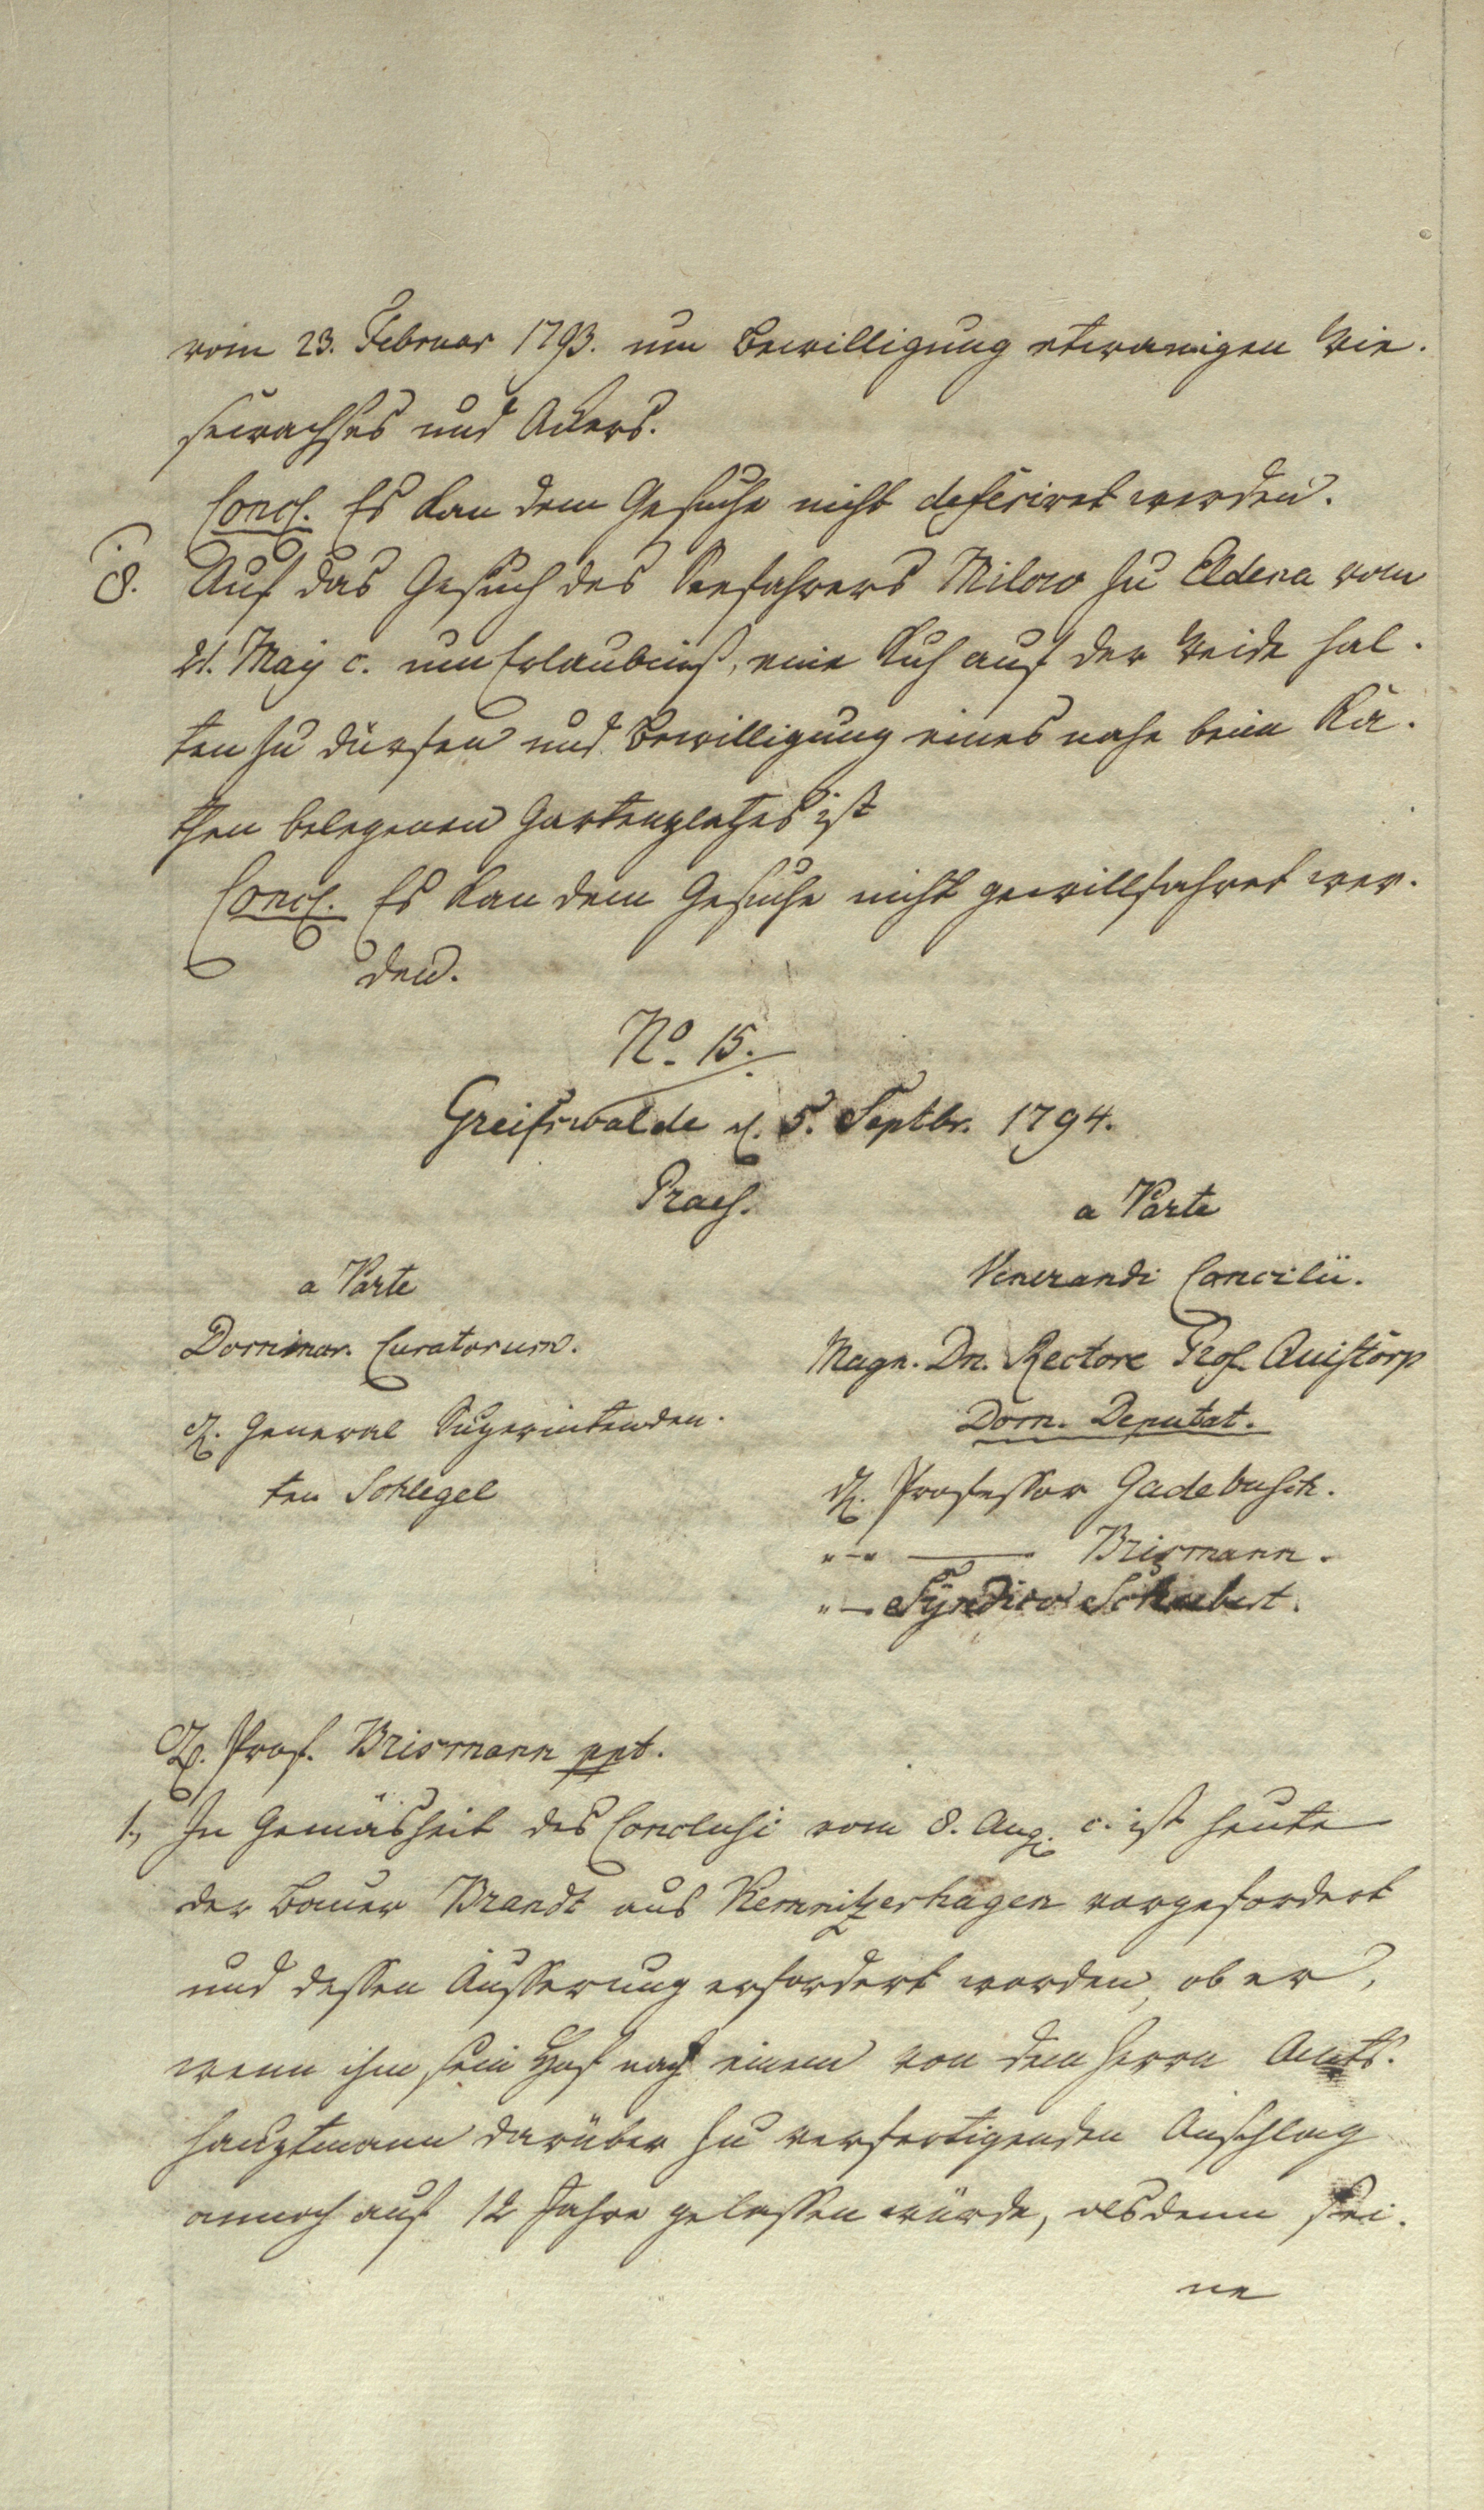vom 23. Februar 1793. um Bewilligung etwanigen Wie¬
sewachses und Ackers.
Concl. Es kan dem Gesuche nicht deferiret werden.
8. Auf das Gesuch des Seefahrers Milow zu Eldena vom
2. Maÿ c. um Erlaubniß, eine Kuh auf der Weide hal¬
ten zu dürfen und Bewilligung eines nahe beim Ka¬
then belegenen Gartenplatzes ist
Concl. Es kan dem Gesuche nicht gewillfahret wer¬
den.
No 15.
Greifswalde d. 5. Septbr. 1794.
Praes. a Parte
a Parte Venerandi Concilii.
Domnor. Curatorum Magn. Dn. Rectore Prof. Quistorp
dh. General Superintenden¬ Dom. Deputat.
ten Schegel dh. Professor Gadebusch.
Brismann.
Sÿndico Schubert.
dh. Prof. Brismann ppt.
1., In Gemäsheit des Conclusi vom 8. Aug. c. ist heute
der Bauer Brandt aus Kemnitzerhagen vorgefordert
und dessen Äusserung erfordert worden, ob er
wenn ihm sein Hof nach einem von dem Herrn Amts¬
hauptmann darüber zu verfertigenden Anschlag
annoch auf 12 Jahre gelassen würde, alsdenn sei¬
ne